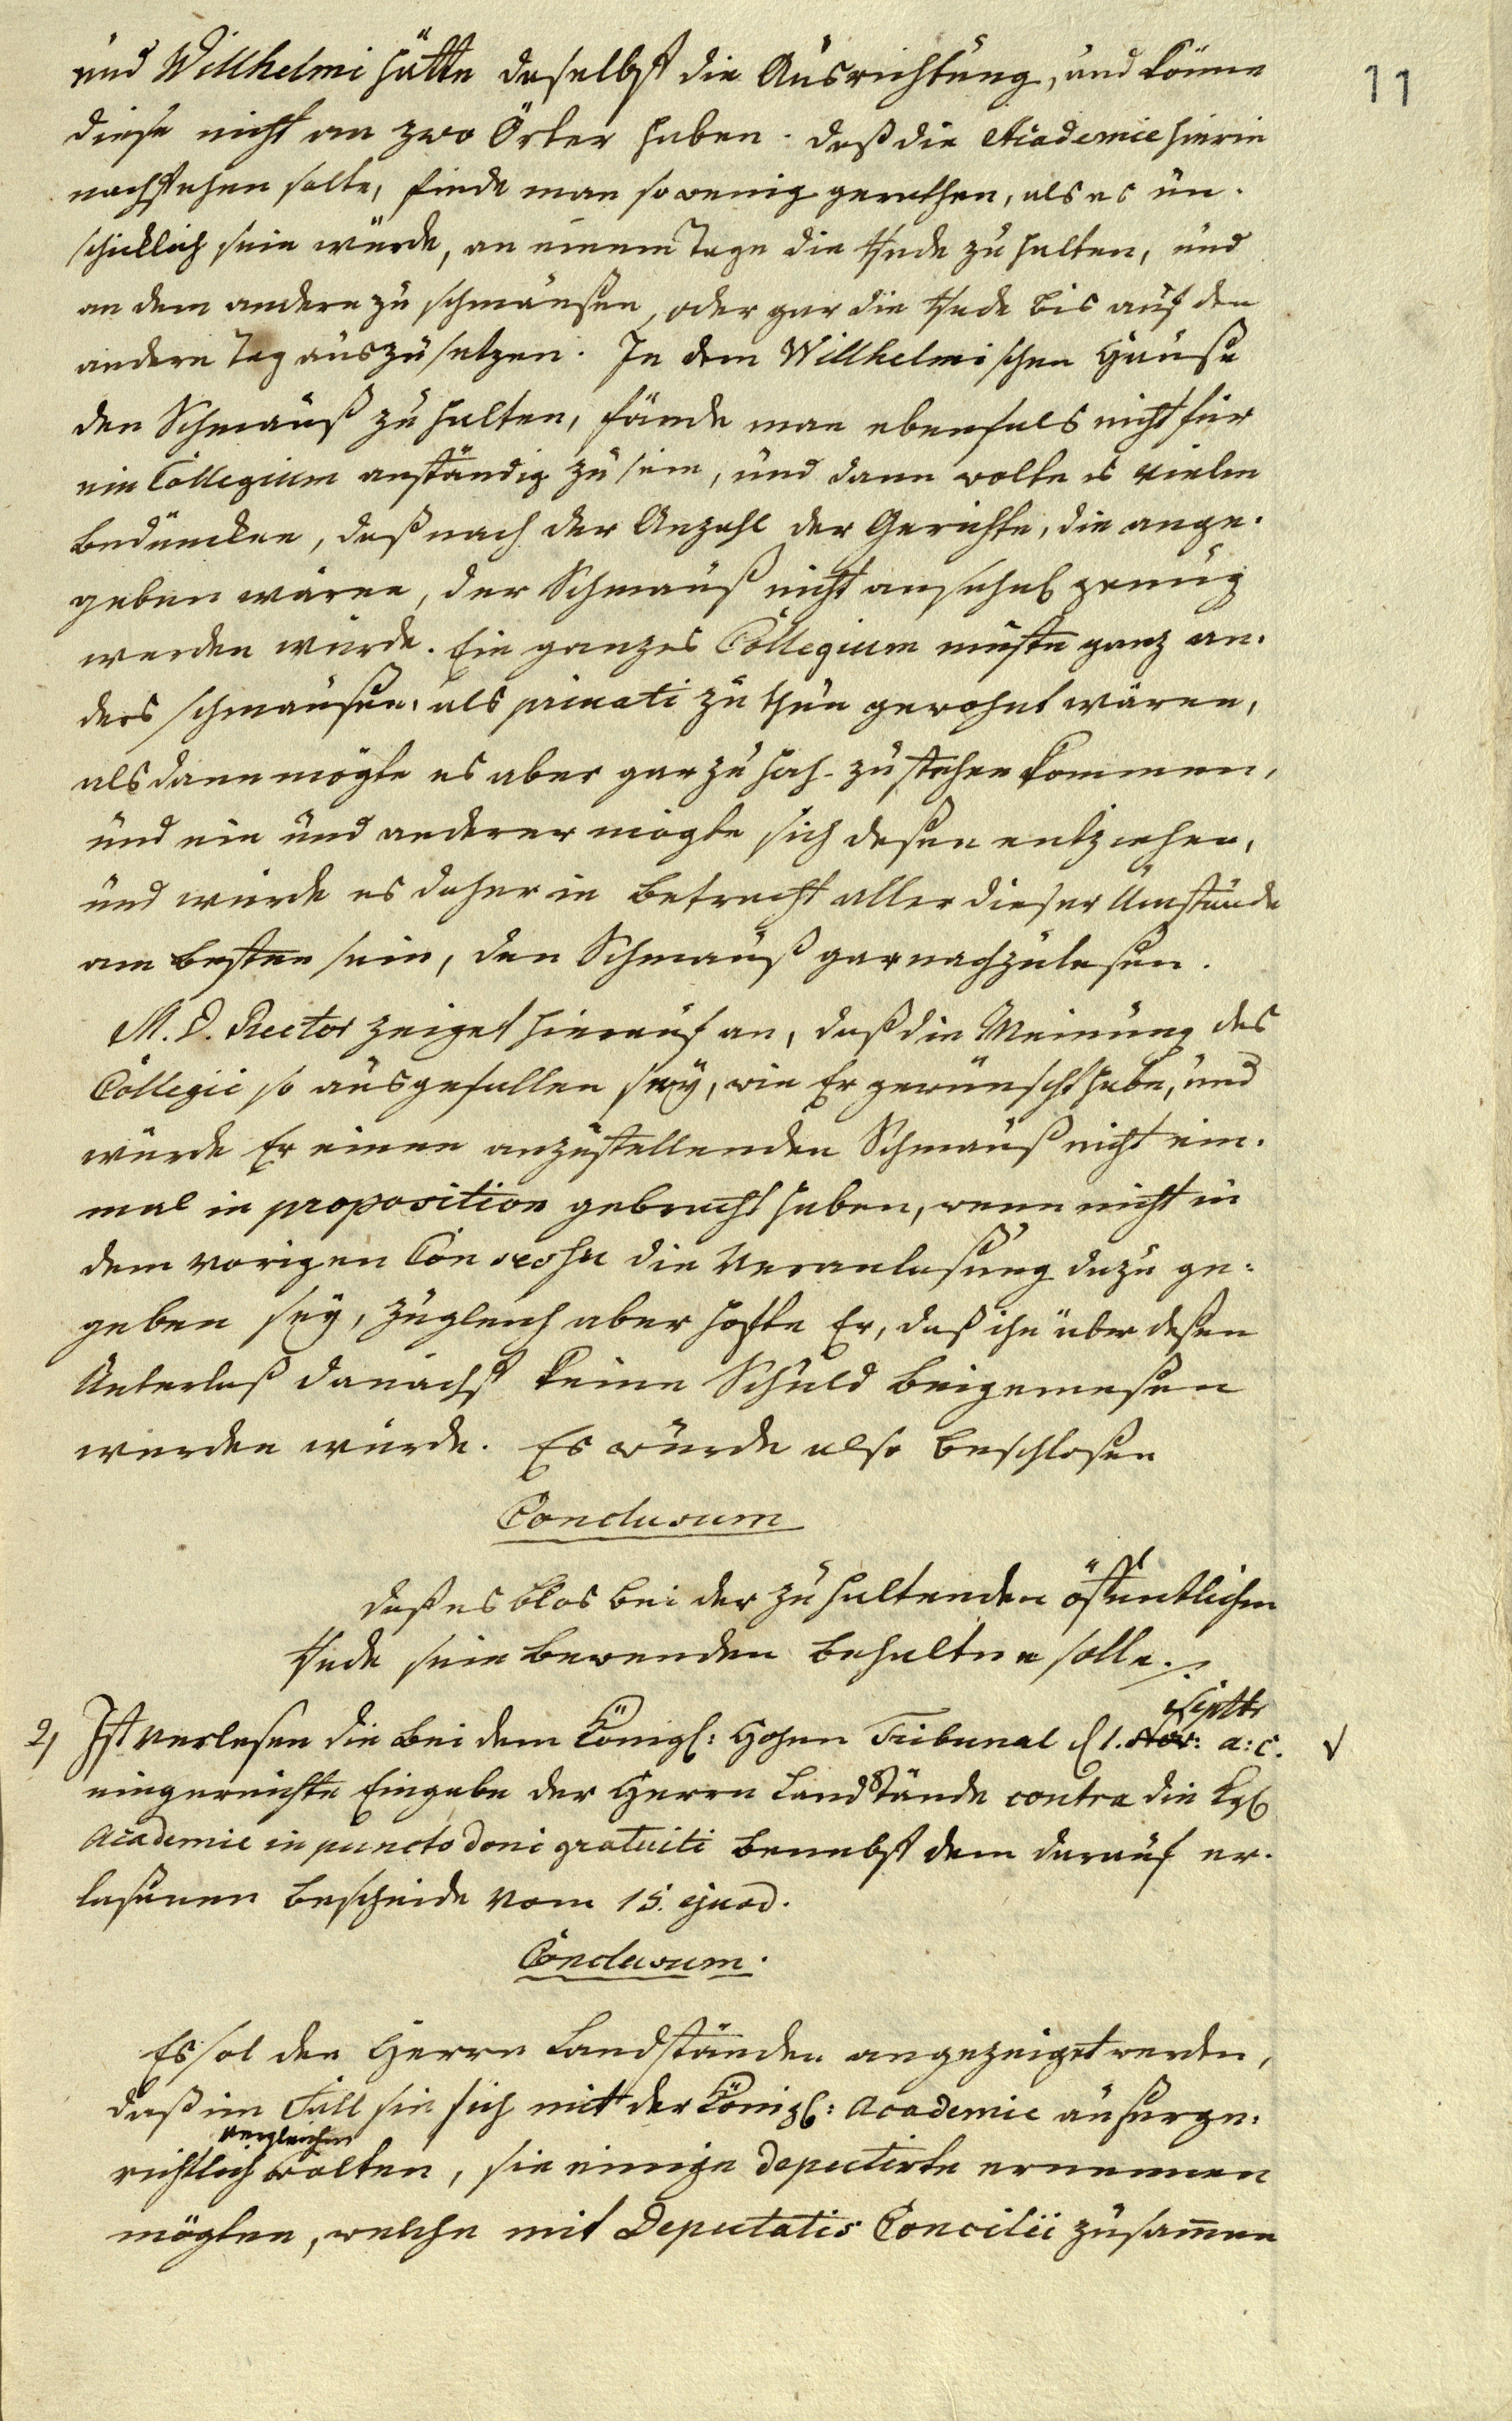und Willhelmi hätte daselbst die Ausrichtung, und könne
diese nicht an zwo Örter haben. Daß die Academie hierin
nachstehen solte, finde man so wenig gerathen, als es un¬
schicklich sein würde, an einem Tage die Rede zu halten, und
an dem andern zu schmaußen, oder gar die Rede bis auf den
andern Tag auszusetzen. In dem Willhelmischen Hauße
den Schmauß zu halten, fände man ebenfalls nicht für
ein Collegium anständig zu sein, und dann wollte es vielen
bedüncken, daß nach der Anzahl der Gerichte, die ange¬
geben wären, der Schmauß nicht ansehnl. genug
werden würde. Ein ganzes Collegium müste ganz an¬
ders schmaußen, als privati zu thun gewohnt wären,
alsdann mögte es aber gar zu hoch zu stehen kommen,
und ein und anderer mögte sich deßen entziehen,
und würde es daher in Betracht aller dieser Umstände
am besten sein, den Schmauß gar nachzulassen.
M. D. Rector zeiget hierauf an, daß die Meinung des
Collegii so ausgefallen seÿ, wie Er gewünscht habe, und
würde Er einen anzustellenden Schmauß nicht ein¬
mal in proposition gebracht haben, wenn nicht in
dem vorigen Consessu die Veranlaßung dazu ge¬
geben seÿ, zugleich aber hofte Er, daß ihn über deßen
Unterlaß danächst keine Schuld beigemeßen
werden würde. Es wurde also beschloßen,
Conclusum
das es blos bei der zu haltenden öffentlichen
Rede sein Bewenden behalten solle.
Septbr.
2, Ist verlesen die bei dem Königl. Hohen Tribunal C 1. Nov. a. c.
eingereichte Eingabe der Herren LandStände contra die Kgl.
Academie in puncto doni gratuiti benebst dem darauf er¬
laßenen Bescheide vom 15. ejusd.
Conclusum
Es soll den Herren Landständen angezeiget werden,
daß im Fall sie sich mit der Königl. Academie außerge¬
richtlich vergleichen wolten, sie einige deputirte ernennen
mögten, welche mit Deputatis Concilii zusamen